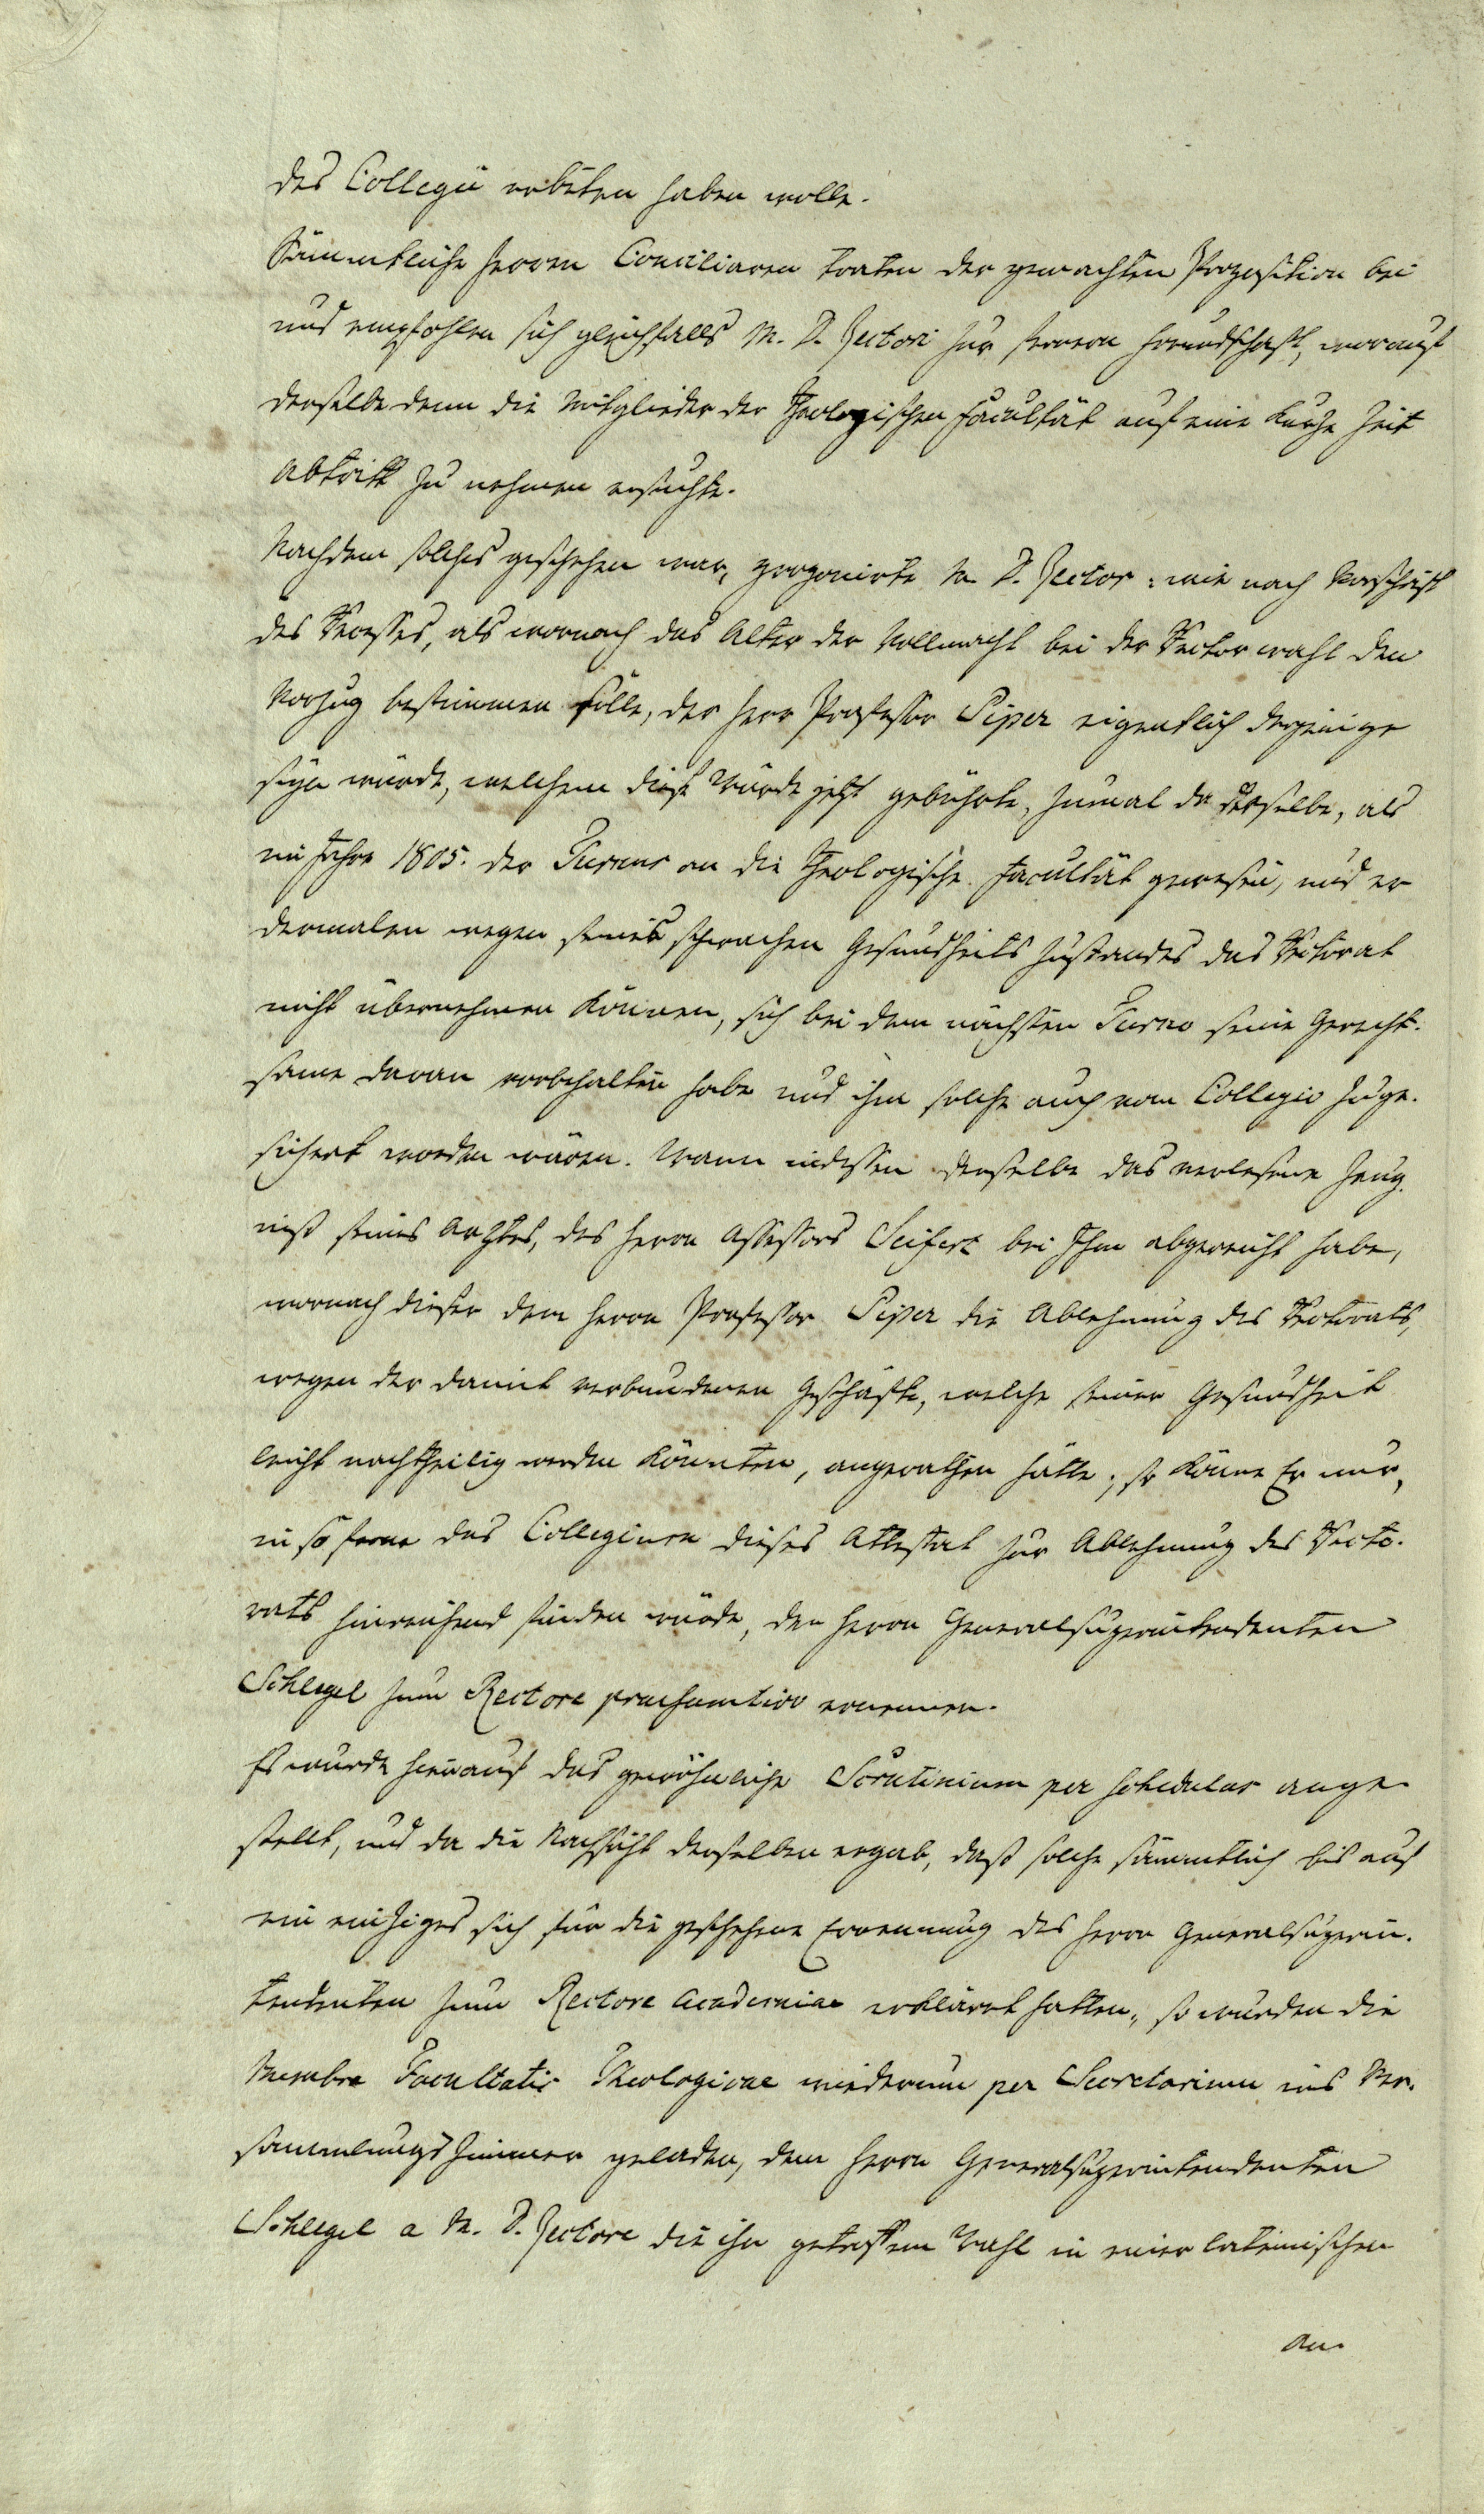des Collegii erbeten haben wolle.
Sämmtliche Herren Conciliaren traten der gemachten Proposition bei
und empfohlen sich gleichfalls M. D. Rectore zur fernern Freundschaft, worauf
derselbe denn die Mitglieder der Theologischen Facultät auf eine kuze Zeit
Abtritt zu nehmen ersuchte.
Nachdem solches geschehen war, proponirte M D. Rector: wie nach Vorschrift
des Recesses, als wornach das Alter der Vollmacht bei der Rectorwahl den
Vorzug bestimmen solle, der Herr Professor Piper eigentlich derjenige
seÿn würde, welchem diese Würde jetzt gebührte, zumal da derselbe, als
im Jahre 1805. der Turnus an die Theologische. Facultät gewesen, und er
dermalen wegen seines schwachen Gesundheitszustandes das Rectorat
nicht übernehmen können, sich bei dem nächsten Turno seine Gerecht¬
same daran vorbehalten habe und ihm solche auch vom Collegio zuge¬
sichert worden wären. Wann indessen derselbe das verlesene Zeug¬
niß seines Arztes, des Herrn Assessors Seifert bei Ihm abgereicht habe,
wornach dieser dem Herrn Professor Piper die Ablehnung des Rectorats,
wegen der damit verbundenen Geschäfte, welche seiner Gesundheit
leicht nachtheilig werden könnten, angerathen hätte, so könne Er nur,
in so ferne des Collegium dieses Attestat zur Ablehnung des Recto¬
raths hinreichend finden würde, den Herrn Generalsuperintendenten
Schlegel zum Rectore praesumtivo ernennen.
Es wurde hierauf das gewöhnliche Scrutinium per schedulus ange¬
stellt, und da die Nachsicht derselben ergab, daß solche sämmtlich bis auf
ein einziges sich für die geschehene Ernennung des Herrn Generalsuperin¬
tendenten zum Rectore Academiae erkläret hatten, so wurden die
Membra Facultatis Theologicae wiederum per Secretarium ins Ver¬
sammlungsZimmer geladen, dem Herrn Generalsuperintendenten
Schlegel a M. D. Rectore die ihn getroffene Wahl in einer lateinischen
An